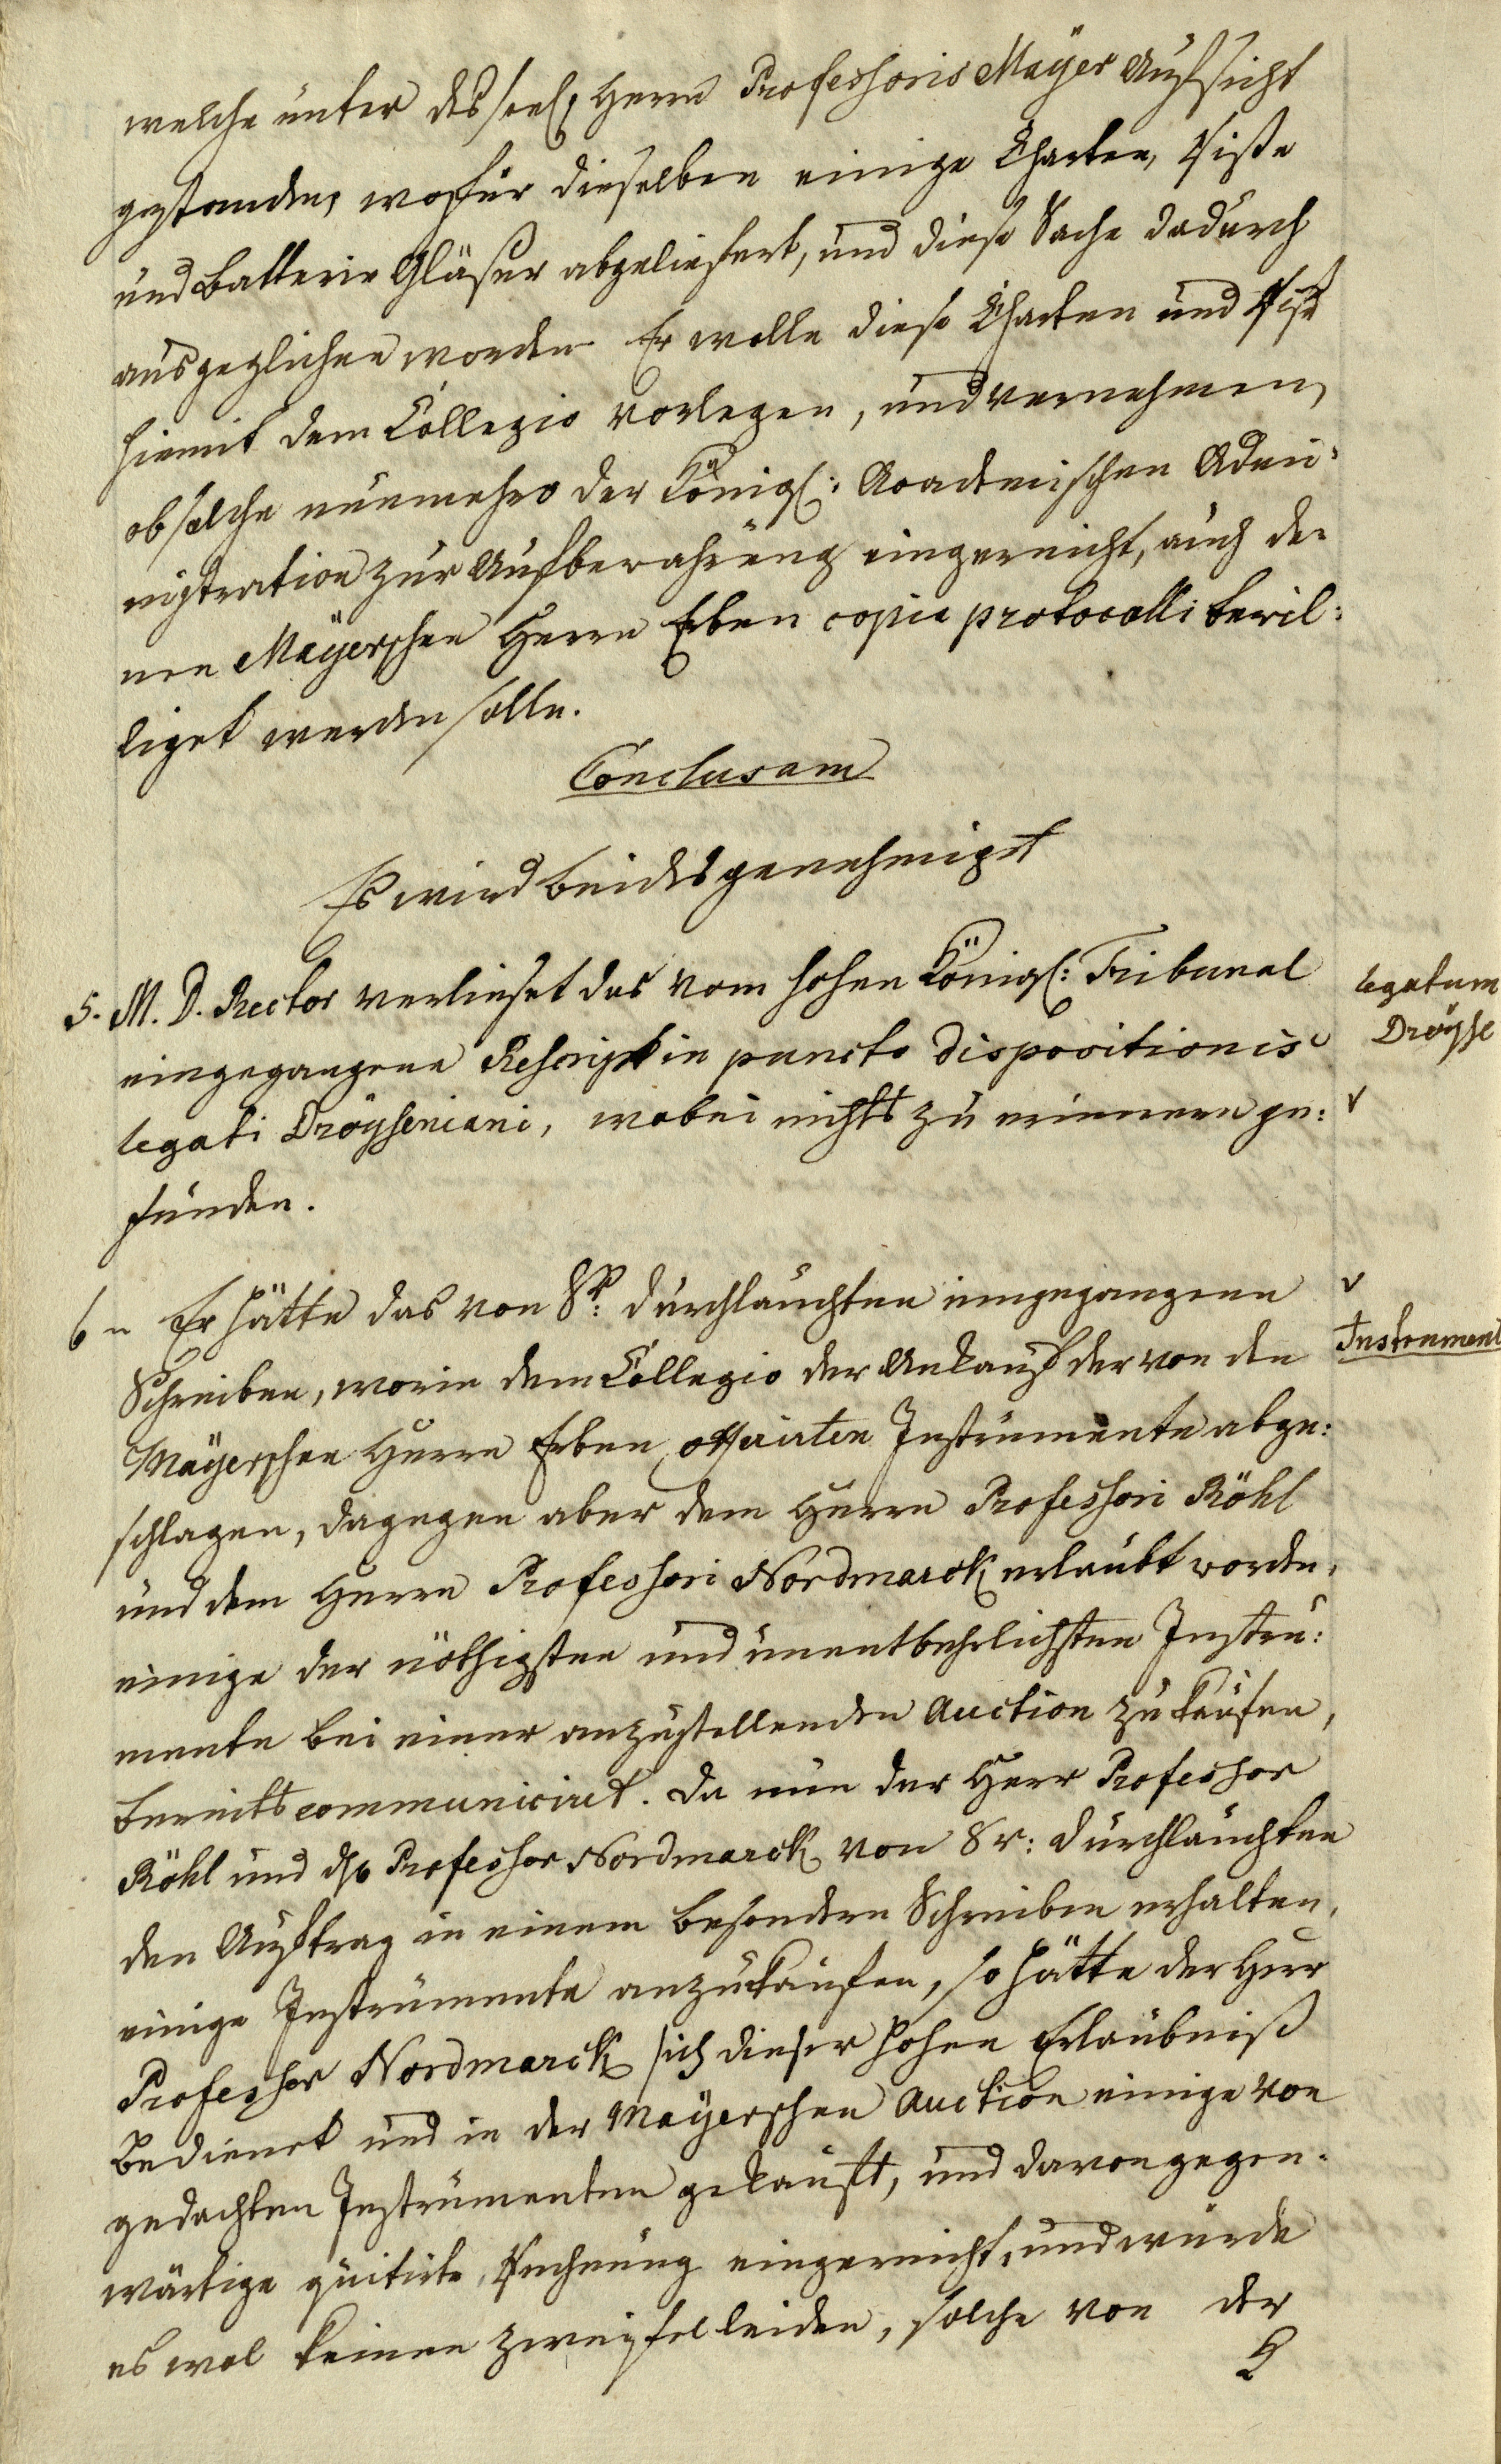welche unter des seel. Herrn Professoris Maÿer Aufsicht
gestanden wofür dieselben einige Charten, Riße
und Batterie Gläser abgeliefert, und diese Sache dadurch
ausgeglichen worden. Er wolle diese Charten und Riße
hiemit dem Collegio vorlegen, und vernehmen,
ob solche nunmehro der Königl. Academischen Admi¬
nistration zur Aufbewahrung eingereicht, auch de¬
nen Maÿerschen Herrn Erben copia protocolli bewil¬
liget werden solle.
Conclusum
Es wird beides genehmiget.
5. M. D. Rector verlieset das vom hohen Königl. Tribunal
eingegangene Rescript in puncto dispositionis
legati Droÿseniani, wobei nichts zu erinnern ge¬
funden.
6. Er hätte das von Sr. Durchlauchten eingegangene
Schreiben, worin dem Collegio der Ankauf der von den Instrumente
Maÿerschen Herrn Erben offerirten Instrumente abge¬
schlagen, dagegen aber dem Herrn Professori Röhl
und dem Herrn Professori Nordmarck erlaubt worden,
einige der nöthigsten und unentbehrlichsten Instru¬
mente bei einer anzustellenden Auction zu kaufen,
bereits communiciret. Da nun der Herr Professor
Röhl und dh Professor Nordmarck von Sr. Durchlauchten
den Auftrag in einem besondern Schreiben erhalten,
einige Instrumente anzukaufen, so hätte der Herr
Professor Nordmarck sich dieser hohen Erlaubniß
bedienet und in der Maÿerschen Auction einige von
gedachten Instrumenten gekauft, und davon gegen¬
wärtige quitirte Rechnung eingereicht, und würde
es wol keinen Zweifel leiden, solche von der